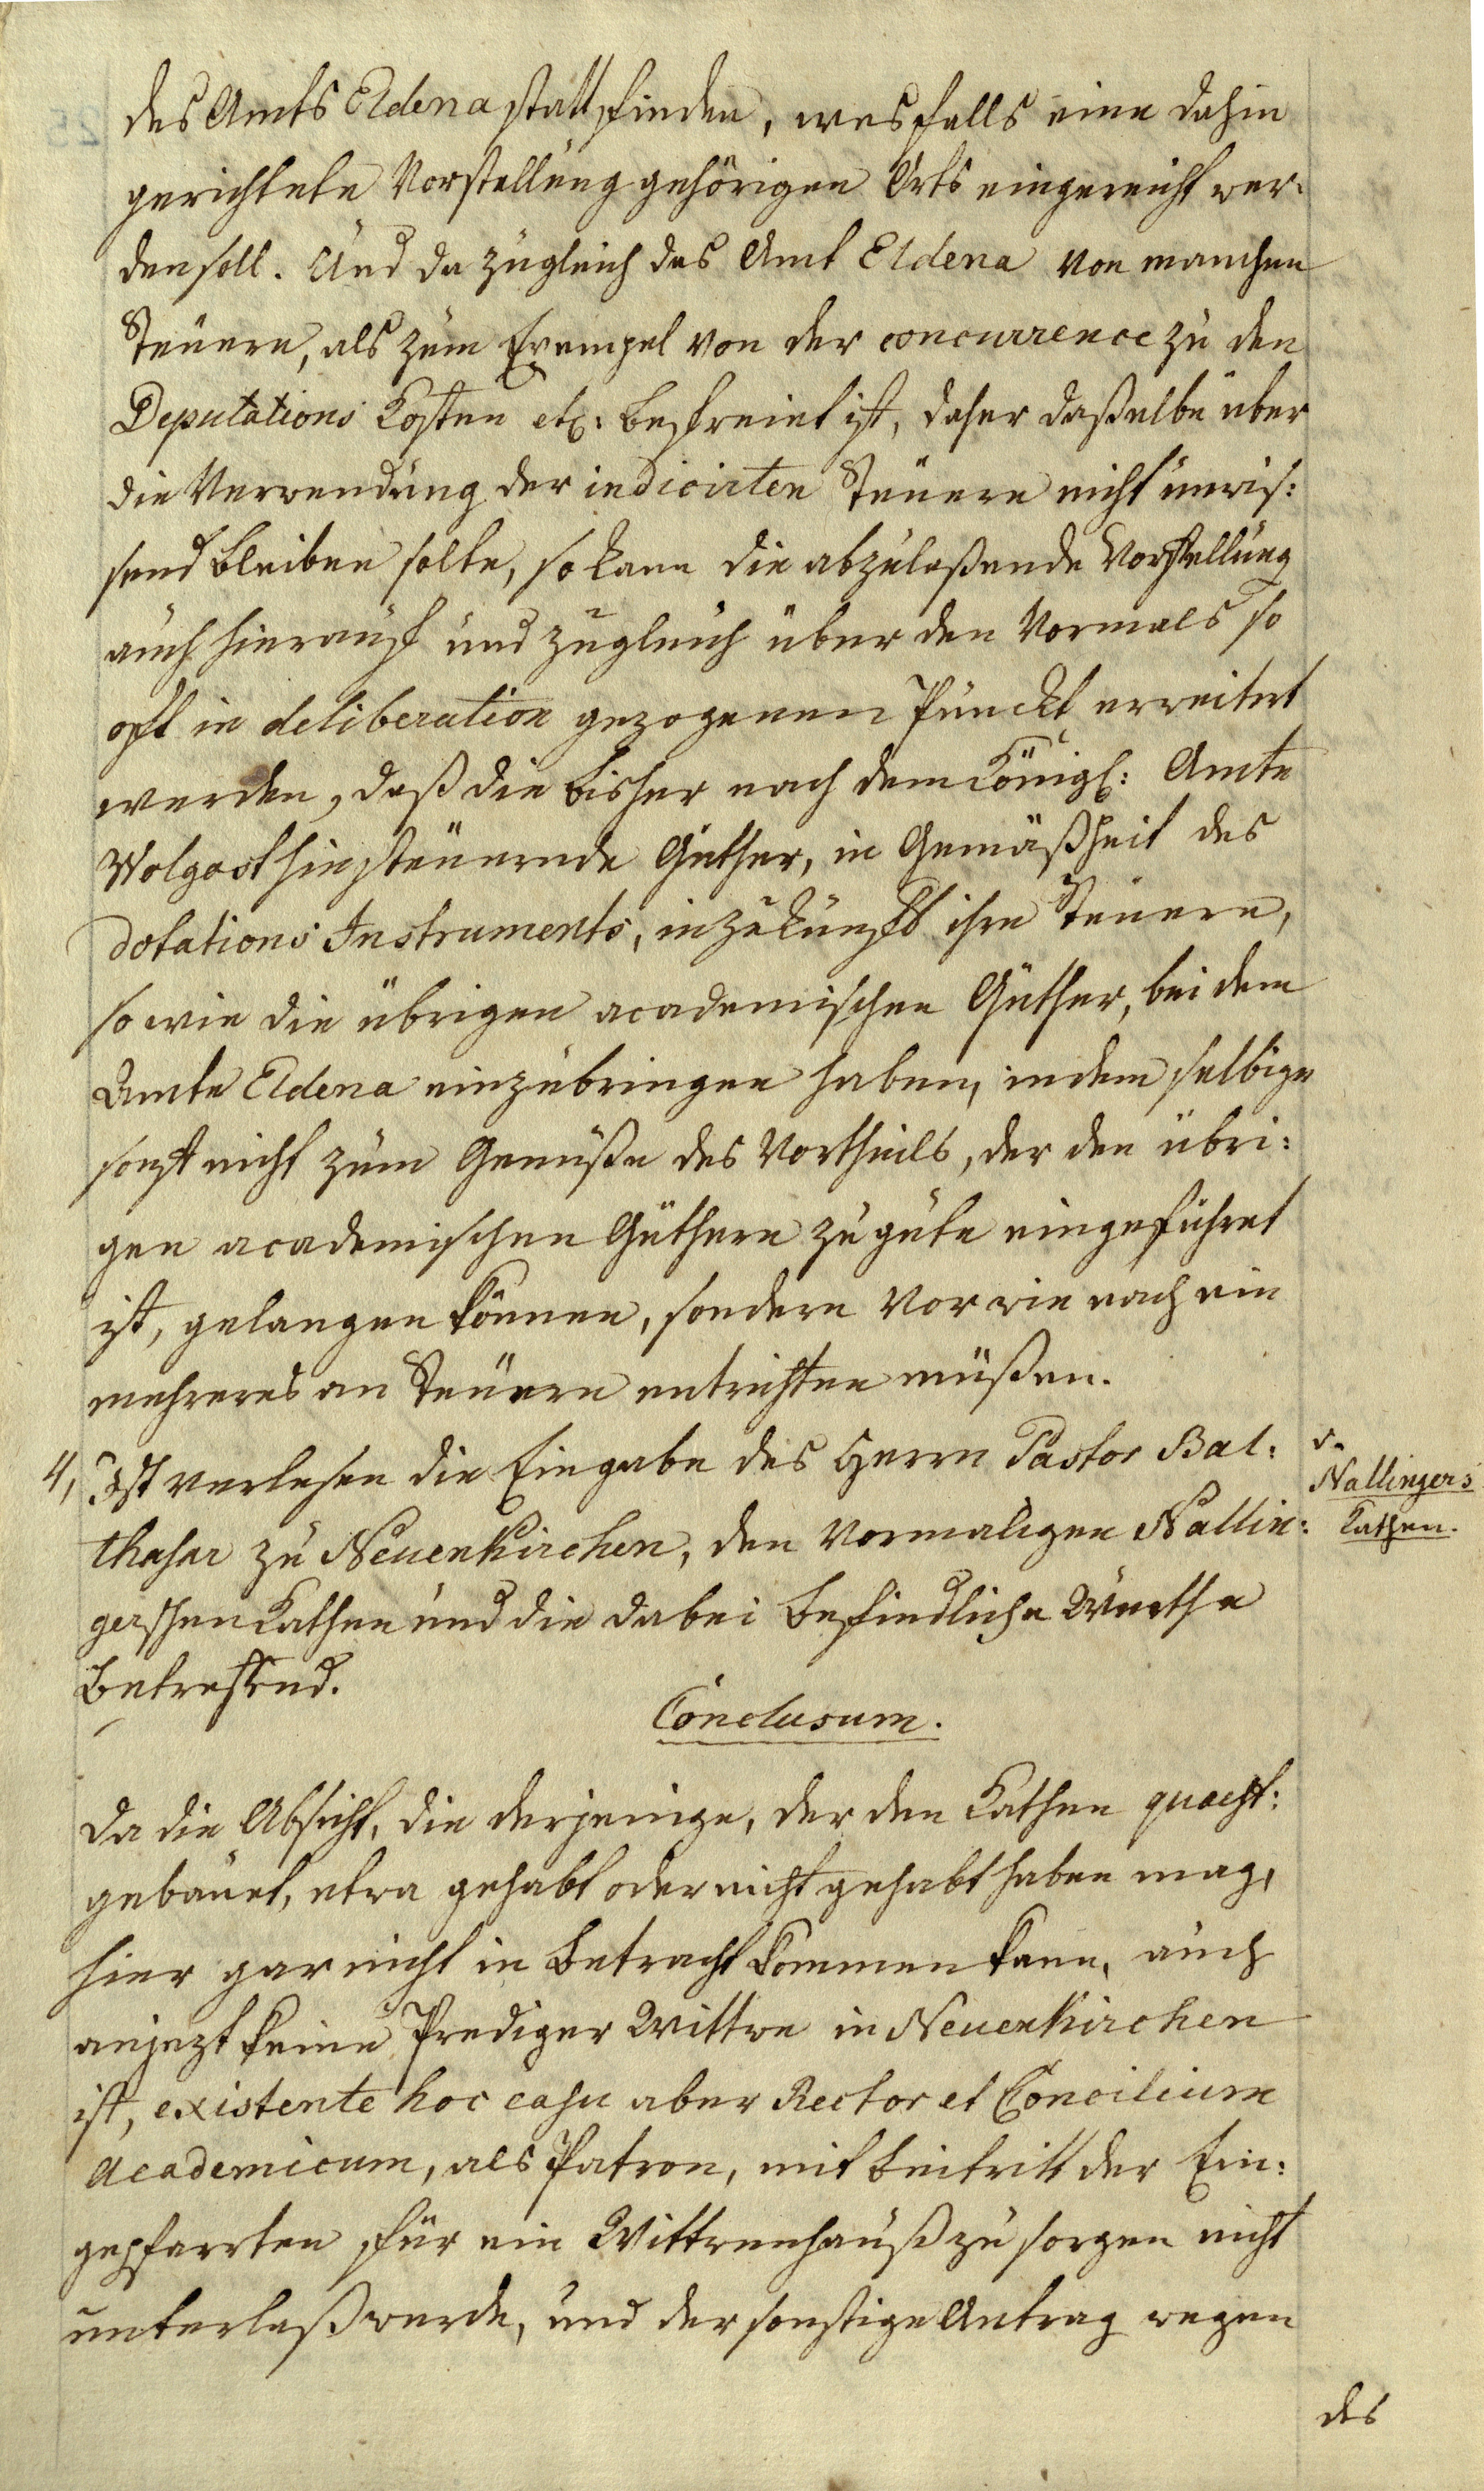des Amts Eldena stattfinden, wesfalls eine dahin
gerichtete Vorstellung gehörigen Orts eingereicht wer¬
den soll. Und da zugleich das Amt Eldena von manchen
Steuern als zum Exempel von der concurrence zu den
Deputations Kosten etc. befreiet ist, daher daßelbe über
die Verwendung der indicirten Steuern nicht unwis¬
send bleiben solte, so kann die abzulaßende Vorstellung
auch hierauf und zugleich über den vormals so
oft in deliberation gezogenen Punckt, erweitert
werden, daß die bisher nach dem Königl. Amte
Wolgast hinsteuernde Güther, in Gemäßheit des
dotations Instruments, in Zukunft ihre Steuern,
so wie die übrigen academischen Güther, bei dem
Amte Eldena einzubringen haben, indem selbige
sonst nicht zum Genuße des Vortheils, der den übri¬
gen academischen Güthern zu gute eingeführet
ist, gelangen können, sondern vor wie nach ein
mehreres an Steuern entrichten müßen.
4, Ist verlesen die Eingabe des Herrn Pastor Bal¬
thasar zu Neuenkirchen, den vormaligen Nallin¬
gerschen Kathen und die dabei befindliche Wurthe
betreffend.
Conclusum.
Da die Absicht, die derjenige, der den Kathen quaest.
gebauet, etwa gehabt oder nicht gehabt haben mag,
hier gar nicht in Betracht kommen kann, auch
anjezt keine Prediger Wittwe in Neuenkirchen
ist, existente hoc casu aber Rector et Concilium
Academicum, als Patron, mit Beitritt der Ein¬
gepfarrten für ein Wittwenhauß zu sorgen nicht
unterlaß werde, und der sonstige Antrag wegen
des